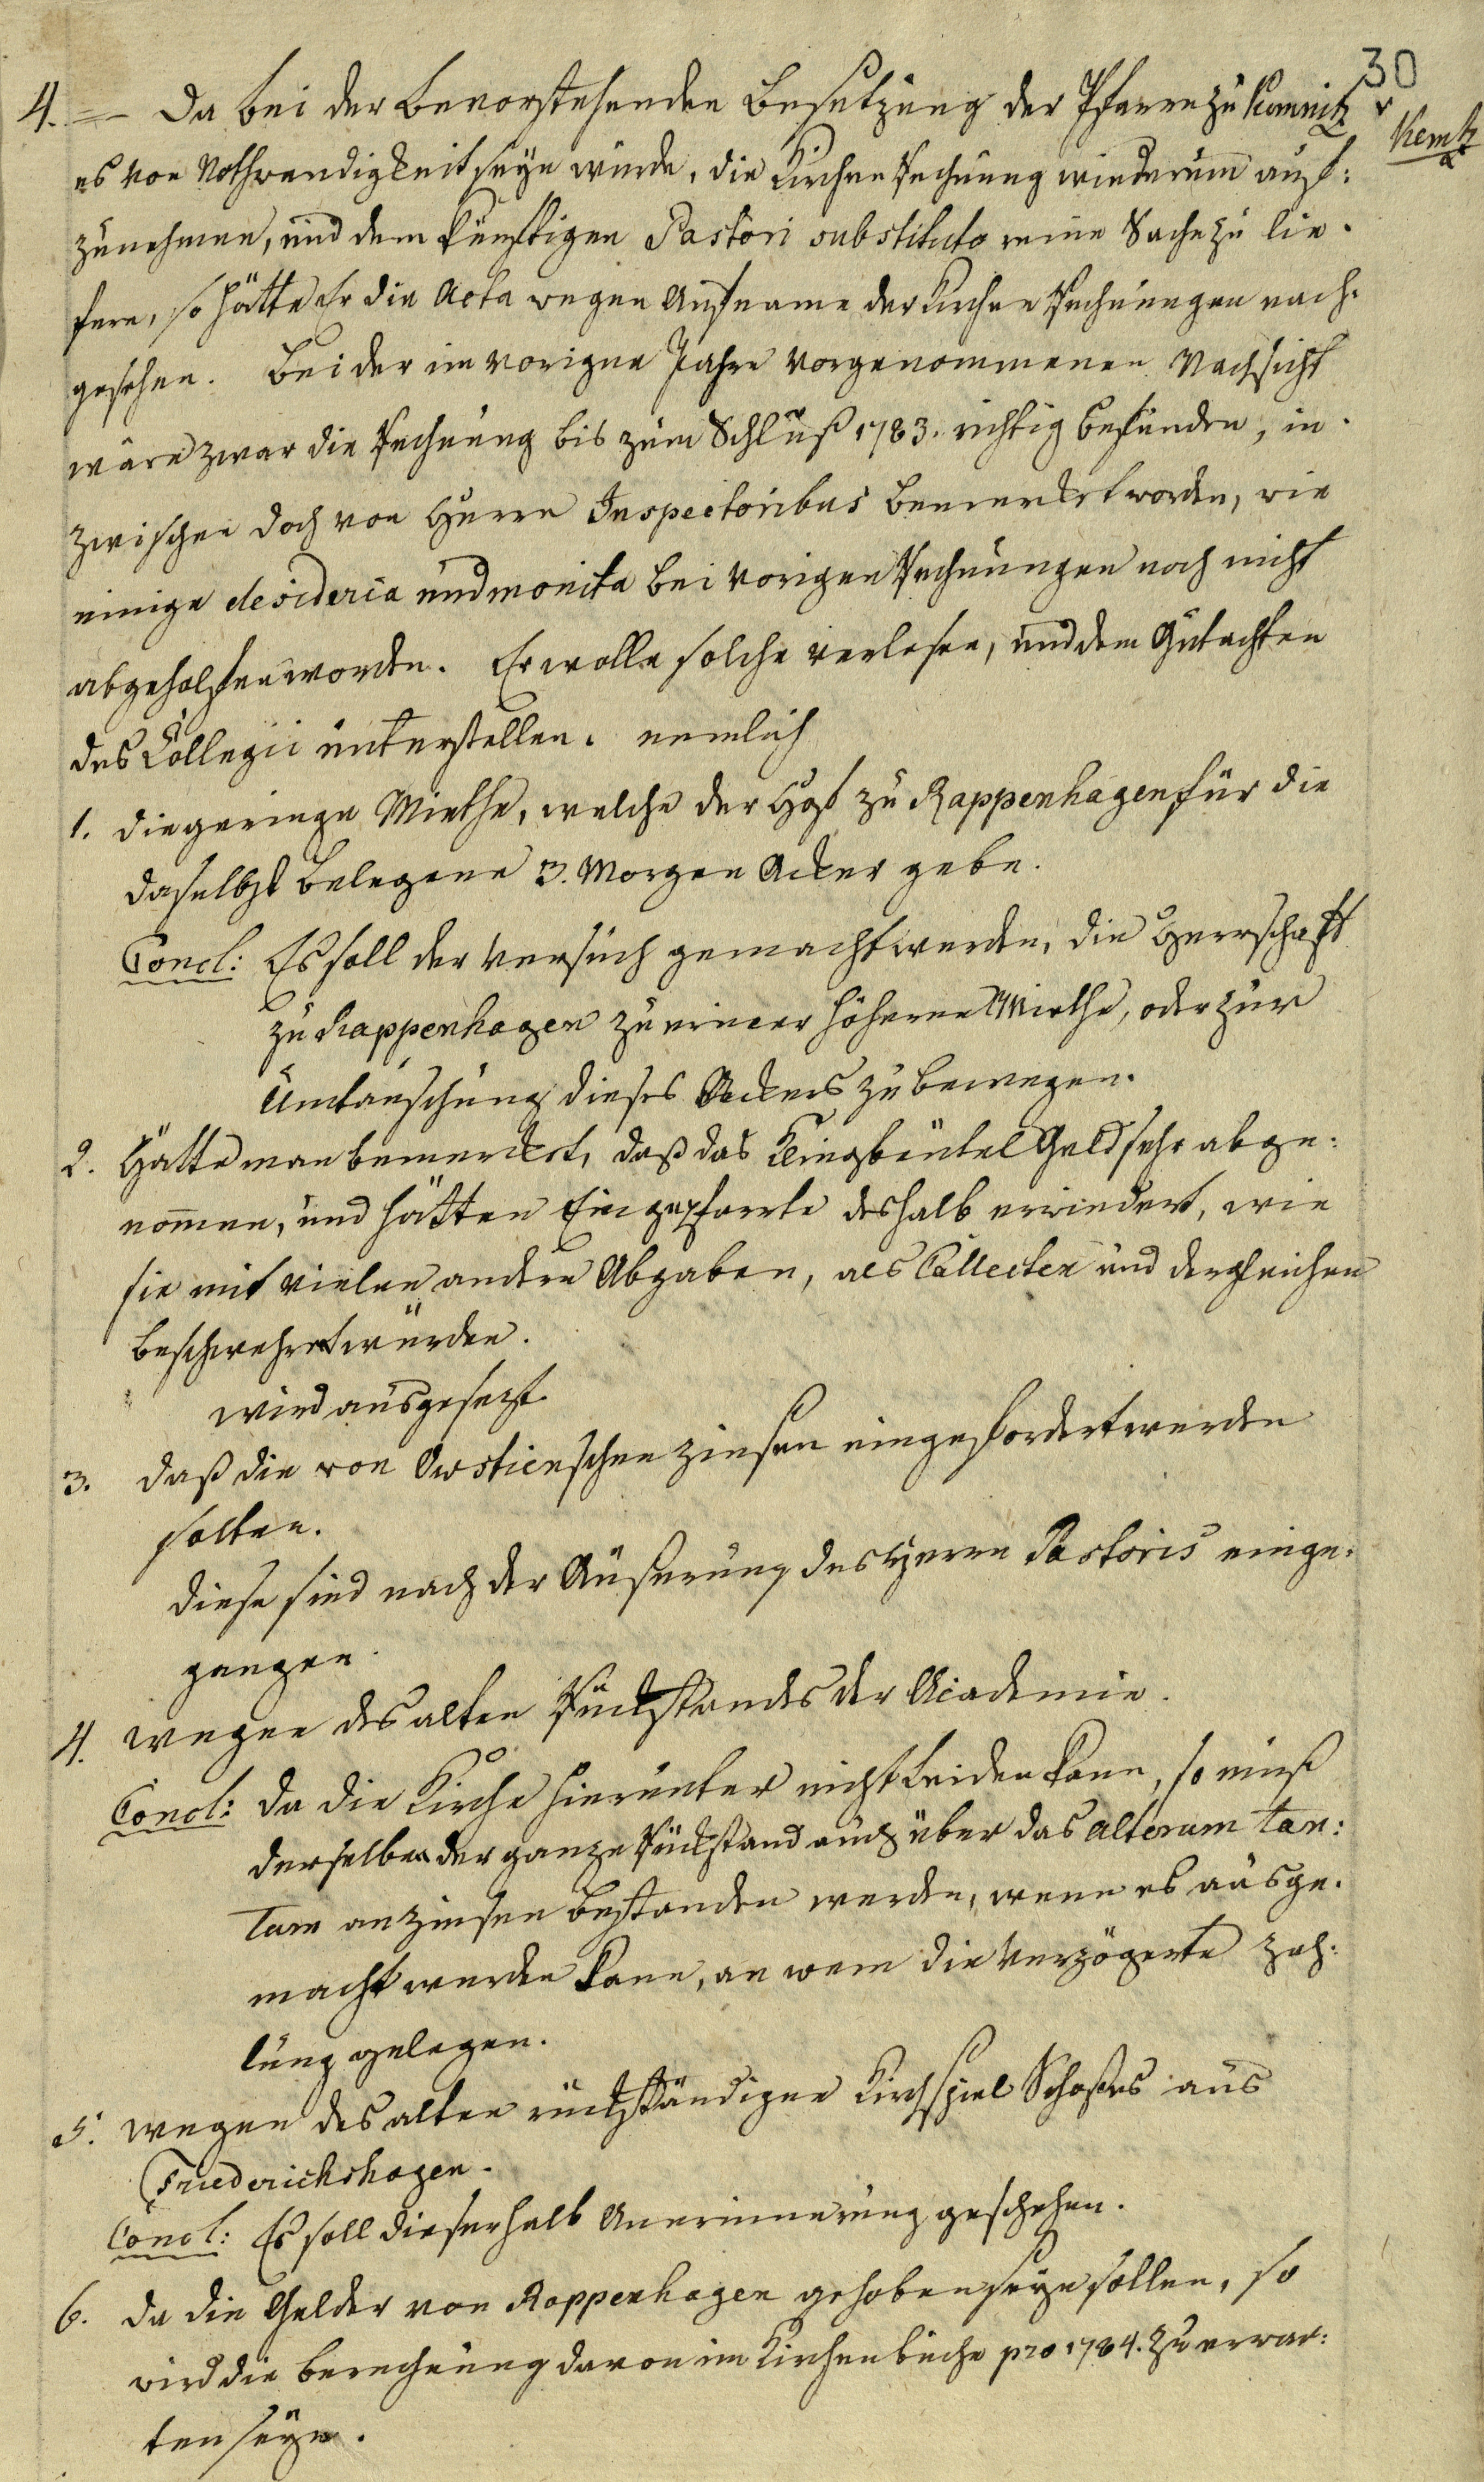4. da bei der bevorstehenden Besetzung der Pfarre zu Kemnitz
es von Nothwendigkeit seÿn würde, die Kirchen Rechnung wiederum auf¬
zunehmen, und dem künftigen Pastori substituto eine Sache zu lie¬
fern, so hätte Er die Acta wegen Aufname der Kirchen Rechnungen nach¬
gesehen. Bei der im vorigen Jahre vorgenommenen Nachsicht
wäre zwar die Rechnung bis zum Schluß 1783. richtig befunden, in¬
zwischen doch von Herrn Inspectoribus bemercket worden, wie
einige desideria und monita bei vorigen Rechnungen noch nicht
abgeholfen worden. Er wolle solche verlesen, und dem Gutachten
des Collegii unterstellen: nemlich
1. die geringe Miethe, welche der Hof zu Rappenhagen für die
daselbst belegene3. Morgen Acker gebe.
Concl. Es soll der Versuch gemacht werden, die Herrschaft
zu Rappenhagen zu einer höherne Miethe, oder zur
Umtauschung dieses Ackers zu bewegen.
2. Hätte man bemercket, daß das Klingbeutel Geld sehr abge¬
nomen, und hätten Eingepfarrte deshalb erwiedert, wie
sie mit vielen andern Abgaben, als Collecten und dergleichen
beschwehret würden.
Wird ausgesezt.
3. daß die die von Owstienschen Zinsen eingefordert werden
sollten.
Diese sind nach der Äußerung des Herrn Pastoris einge¬
gangen.
4. wegen des alten Rückstands der Academie
Concl. da die Kirche hierunter nicht leiden kann, so muß
derselben der ganze Rückstand auch über das alterum tan¬
tam an Zinsen bestanden werden, wenn es ausge¬
macht werden kann, an wem die verzögerte Zah¬
lung gelegen.
5. wegen des alten rückständigen Kirchspiel Schoßes aus
Friederichshagen.
Concl. Es soll dieserhalb Anerinnerung geschehen.
6. da die Gelder von Rappenhagen gehoben seÿn sollen, so
wird die Berechnung davon im Kirchbuche pro 1784. zu erwar¬
ten seÿn.